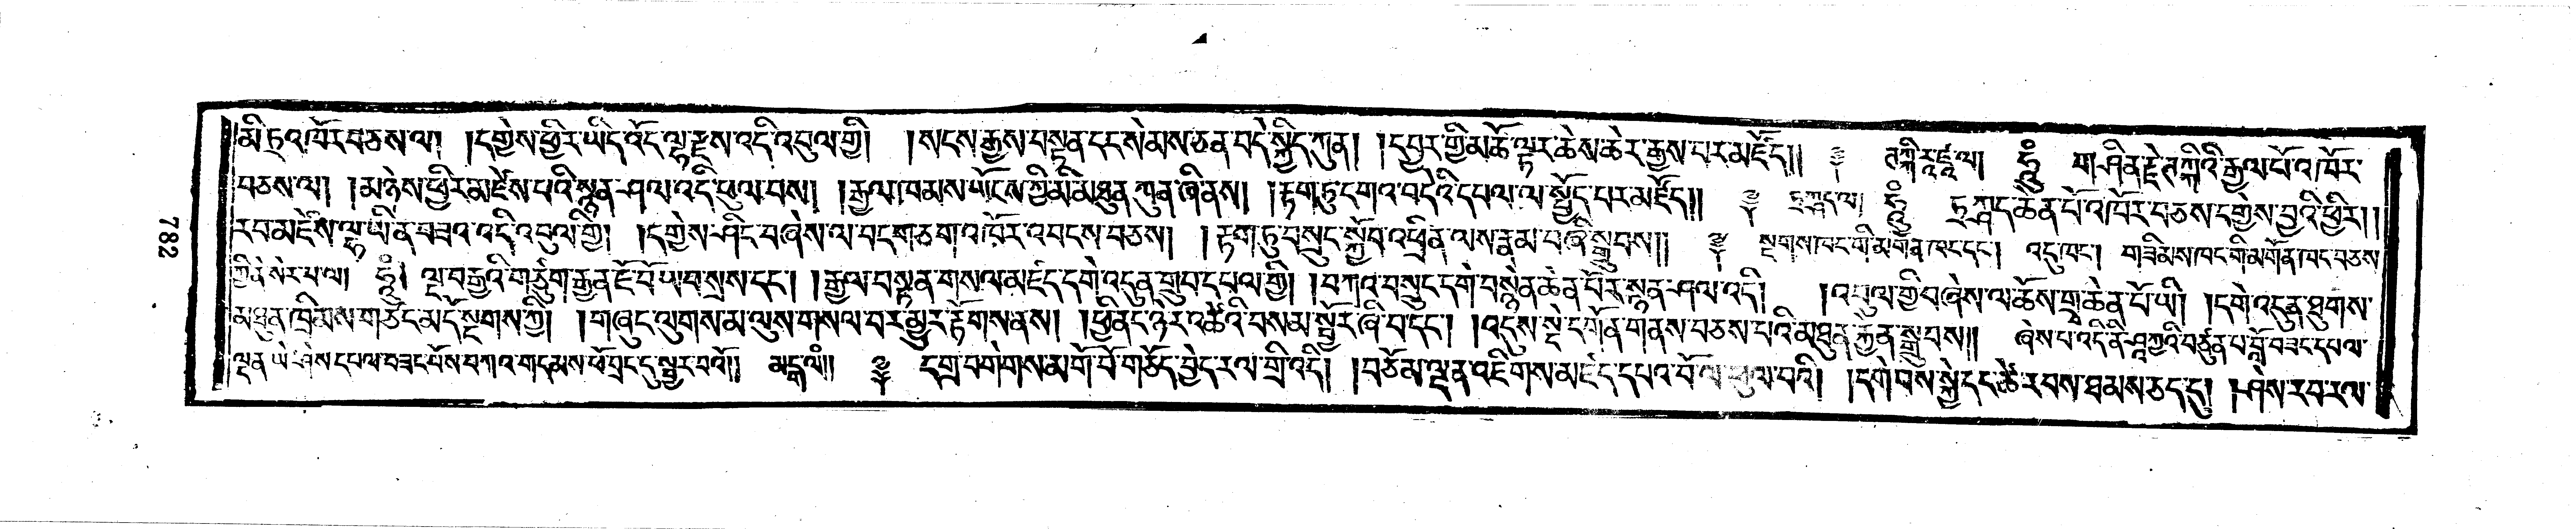མི་ཏྲ་འཁོར་བཅས་ལ། །དགྱེས་ཕྱིར་ཡིད་འོང་ལྷ་རྫས་འདི་འབུལ་གྱི། །སངས་རྒྱས་བསྟན་དང་སེམས་ཅན་བདེ་སྐྱིད་ཀུན། །དབྱར་གྱི་མཆོ་ལྟར་ཆེས་ཆེར་རྒྱས་པར་མཛོད།། ༈ ཊཀྐི་རཱ་ཛཱ་ལ། ཧཱུཾ་གཤིན་རྗེ་ཊཀྐིའི་རྒྱལ་པོ་འཁོར་
བཅས་ལ། །མཉེས་ཕྱིར་མཛེས་པའི་སྙན་ཤལ་འདི་ཕུལ་བས། །རྒྱལ་ཁམས་ཡོངས་ཀྱི་མི་མཐུན་ཀུན་ཞི་ནས། །རྟག་ཏུ་དགའ་བདེའི་དཔལ་ལ་སྤྱོད་པར་མཛོད།། ༈ ཏྲ་ཀཥད་ལ། ཧཱུཾ་ཏྲ་ཀཥད་ཆེན་པོ་འཁོར་བཅས་དགྱེས་བྱའི་ཕྱིར།།
རབ་མཛེས་ལྷ་ཡི་ན་བཟའ་འདི་འབུལ་གྱི། །དགྱེས་ཤིང་བཞེས་ལ་བདག་ཅག་འཁོར་འབངས་བཅས། །རྟག་ཏུ་བསྲུང་སྐྱོབ་འཕྲིན་ལས་རྣམ་བཞི་སྒྲུབས།། ༈ སྔགས་ཁང་གི་མགོན་ཁང་དང་། འདུ་ཁང་། གཟིམས་ཁང་གི་མགོན་ཁང་བཅས་
ཀྱི་ནེ་སེར་པ་ལ། ཧཱུཾ་ལྔ་བརྒྱའི་གཙུག་རྒྱན་ཇོ་བོ་ཡབ་སྲས་དང་། །རྒྱལ་བསྟན་གསལ་མཛད་དགེ་འདུན་གྲུབ་དཔལ་གྱི། །བཀའ་བསྲུང་དགེ་བསྙེན་ཆེན་པོར་སྙན་ཤལ་འདི། །འབུལ་གྱི་བཞེས་ལ་ཆོས་གྲྭ་ཆེན་པོ་ཡི། །དགེ་འདུན་ཐུགས་
མཐུན་ཁྲིམས་གཙང་མདོ་སྔགས་ཀྱི། །གཞུང་ལུགས་མ་ལུས་གསལ་བར་མྱུར་རྟོགས་ནས། །ཕྱི་ནང་ཉེར་འཚེའི་བསམ་སྦྱོར་ཞི་བ་དང་། །འདུས་སྡེ་དགོན་གནས་བཅས་པའི་མཐུན་རྐྱེན་སྒྲུབས།། ཞེས་པ་འདི་ནི་ཤཱཀྱའི་བཙུན་པ་བློ་བཟང་དཔལ་
ལྡན་ཡེ་ཤེས་དཔལ་བཟང་པོས་བཀའ་གདམས་ཕོ་བྲང་དུ་སྦྱར་བའོ།། མངྒ་ལཾ།། ༈ དགྲ་བགེགས་མགོ་བོ་གཅོད་བྱེད་རལ་གྲི་འདི། །བཅོམ་ལྡན་འཇིགས་མཛད་དཔའ་བོ་ལ་ཕུལ་བའི། །དགེ་བས་སྐྱེ་དང་ཚེ་རབས་ཐམས་ཅད་དུ། །ཤེས་རབ་རལ་